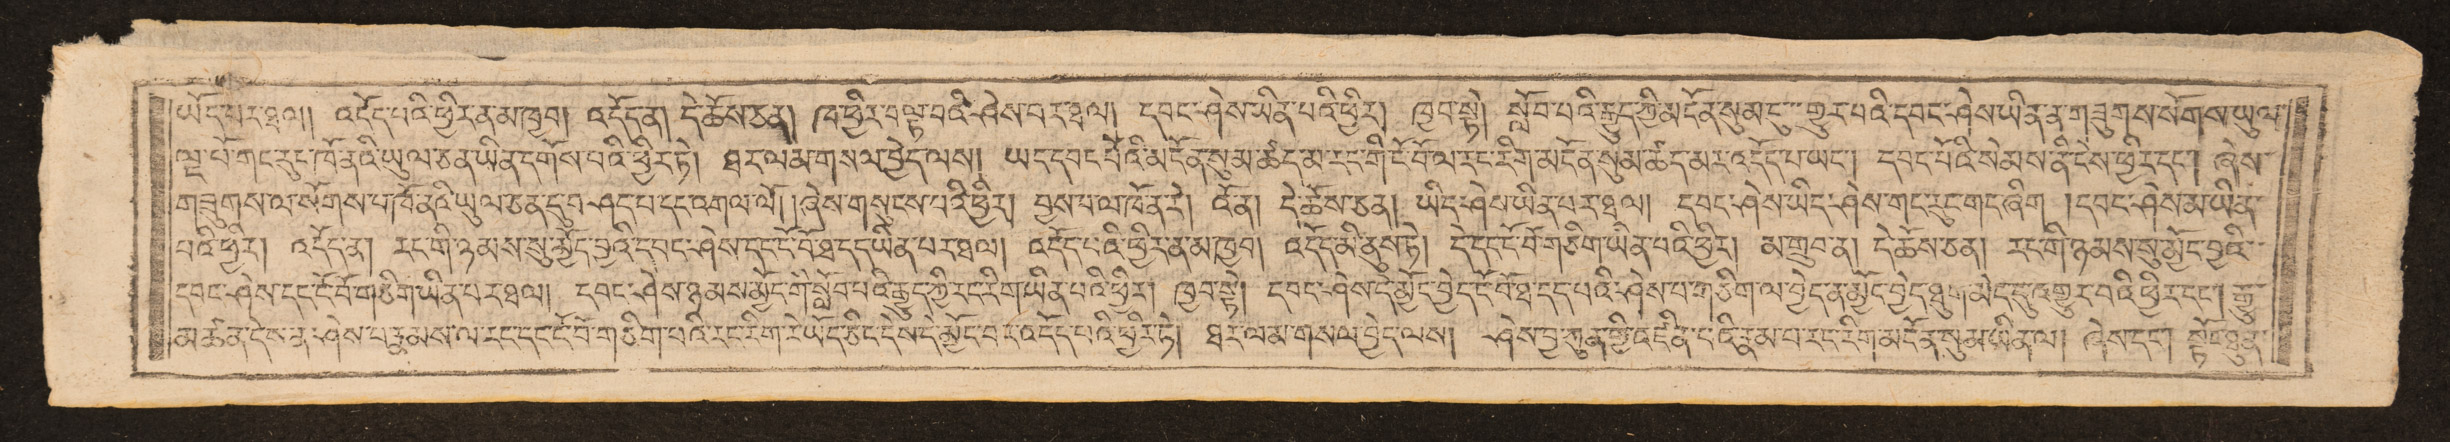ཡོད་པར་ཐལ། འདོད་པའི་ཕྱིར་ན་མ་ཁྱབ། འདོད་ན། དེ་ཆོས་ཅན། ཁ་ཕྱིར་བལྟ་བའི་ཤེས་པར་ཐལ། དབང་ཤེས་ཡིན་པའི་ཕྱིར། ཁྱབ་སྟེ། སློབ་པའི་རྒྱུད་ཀྱི་མངོན་སུམ་དུ་གྱུར་པའི་དབང་ཤེས་ཡིན་ན་གཟུགས་སོགས་ཡུལ་
ལྔ་པོ་གང་རུང་ཁོ་ནའི་ཡུལ་ཅན་ཡིན་དགོས་པའི་ཕྱིར་ཏེ། ཐར་ལམ་གསལ་བྱེད་ལས། ཡང་དབང་པོའི་མངོན་སུམ་ཚད་མ་རང་གི་ངོ་བོ་ལ་རང་རིག་མངོན་སུམ་ཚད་མར་འདོད་པ་ཡང་། དབང་པོའི་སེམས་ནི་ངེས་ཕྱིར་དང་། ཞེས་
གཟུགས་ལ་སོགས་པ་ཁོ་ནའི་ཡུལ་ཅན་དུ་བཤད་པ་དང་འགལ་ལོ། །ཞེས་གསུངས་པའི་ཕྱིར། བྱས་པ་ལ་ཁོ་ན་རེ། འོ་ན། དེ་ཆོས་ཅན། ཡིད་ཤེས་ཡིན་པར་ཐལ། དབང་ཤེས་ཡིད་ཤེས་གང་རུང་གང་ཞིག །དབང་ཤེས་མ་ཡིན་
པའི་ཕྱིར། འདོད་ན། རང་གི་ཉམས་སུ་མྱོང་བྱའི་དབང་ཤེས་དང་ངོ་བོ་ཐ་དད་ཡིན་པར་ཐལ། འདོད་པའི་ཕྱིར་ན་མ་ཁྱབ། འདོད་མི་ནུས་ཏེ། དེ་དང་ངོ་བོ་གཅིག་ཡིན་པའི་ཕྱིར། མ་གྲུབ་ན། དེ་ཆོས་ཅན། རང་གི་ཉམས་སུ་མྱོང་བྱའི་
དབང་ཤེས་དང་ངོ་བོ་གཅིག་ཡིན་པར་ཐལ། དབང་ཤེས་ཉམས་མྱོང་གི་སློབ་པའི་རྒྱུད་ཀྱི་རང་རིག་ཡིན་པའི་ཕྱིར། ཁྱབ་སྟེ། དབང་ཤེས་དེ་མྱོང་བྱེད་ངོ་བོ་ཐ་དད་པའི་ཤེས་པ་གཅིག་ལ་བྱེད་ན་མྱོང་བྱེད་ཐུག་མེད་དུ་འགྱུར་བའི་ཕྱིར་དང་། རྒྱུ་
མཚན་ངེས་ན་ཤེས་པ་རྣམས་ལ་རང་དང་ངོ་བོ་གཅིག་པའི་རང་རིག་རེ་ཡོད་ཅིང་ངེས་དེ་མྱོང་བར་འདོད་པའི་ཕྱིར་ཏེ། ཐར་ལམ་གསལ་བྱེད་ལས། ཤེས་བྱ་ཀུན་གྱི་འཛིན་པའི་རྣམ་པ་རང་རིག་མངོན་སུམ་ཡིན་ལ། ཞེས་དང་། སྟོང་ཐུན་